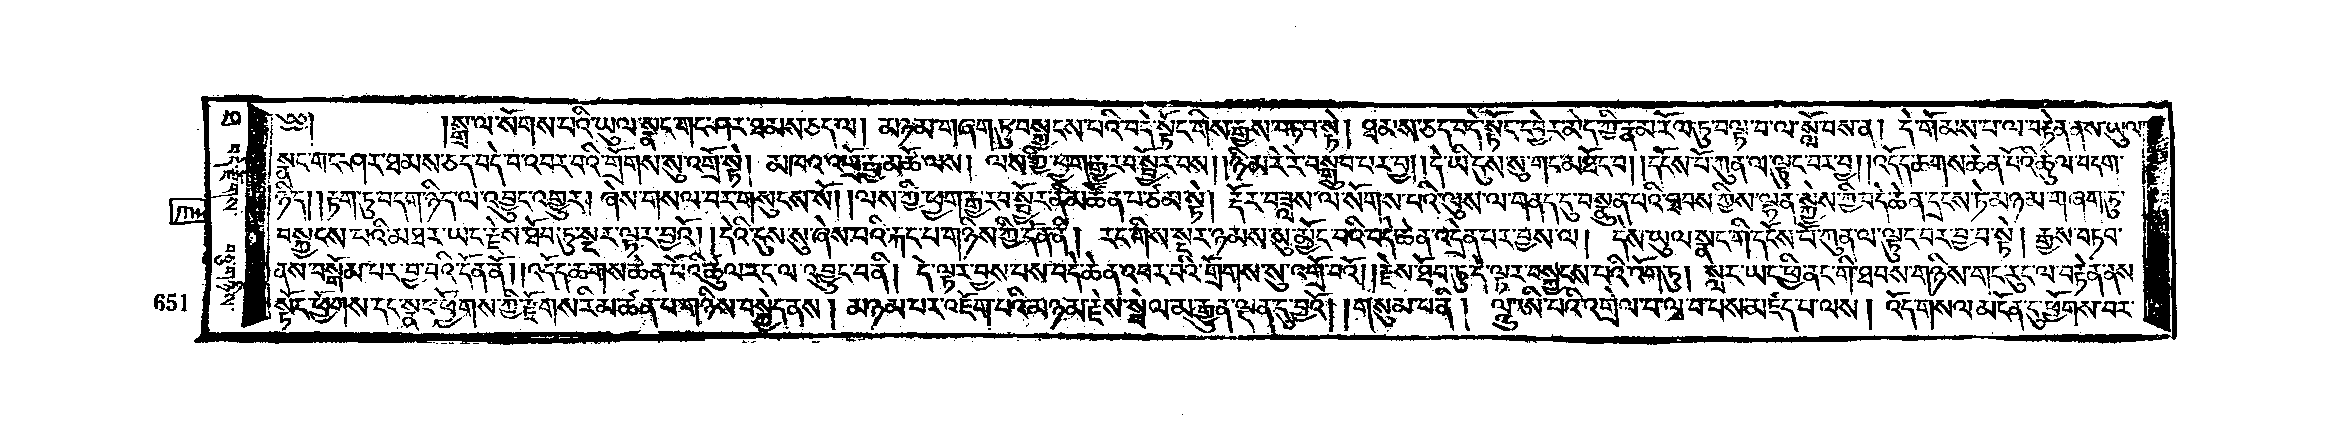༄༅། །སྒྲ་ལ་སོགས་པའི་ཡུལ་སྣང་གང་ཤར་ཐམས་ཅད་ལ། མཉམ་གཞག་ཏུ་བསྐྱངས་པའི་བདེ་སྟོང་གིས་རྒྱས་བཏབ་སྟེ། ཐམས་ཅད་བདེ་སྟོང་དབྱེར་མེད་ཀྱི་རྣམ་རོལ་ཏུ་བལྟ་བ་ལ་སློ་བས་ན། དེ་གོམས་པ་ལ་བརྟེན་ནས་ཡུལ་
སྣང་གང་ཤར་ཐམས་ཅད་བདེ་བ་འབར་བའི་གྲོགས་སུ་འགྲོ་སྟེ། མཁའ་འགྲོ་རྒྱ་མཚོ་ལས། ལས་ཀྱི་ཕྱག་རྒྱ་རབ་སྦྱོར་བས། །ཉི་མ་རེ་རེ་བསྒྲུབ་པར་བྱ། །དེ་ཡི་དུས་སུ་གང་མཐོང་བ། །དངོས་པོ་ཀུན་ལ་ལྟུང་བར་བྱ། །འདོད་ཆགས་ཆེན་པོའི་ཚུལ་བདག་
ཉིད། །རྟག་ཏུ་བདག་ཉིད་ལ་འབྱུང་འགྱུར། ཞེས་གསལ་བར་གསུངས་སོ། །ལས་ཀྱི་ཕྱག་རྒྱ་རབ་སྦྱོར་ནི་མཚོན་པ་ཙམ་སྟེ། རྡོར་བཟླས་ལ་སོགས་པའི་ལུས་ལ་གནད་དུ་བསྣུན་པའི་ཐབས་ཀྱིས་ལྷན་སྐྱེས་ཀྱི་བདེ་ཆེན་དྲངས་ཏེ་མཉམ་གཞག་ཏུ་
བསྐྱངས་པའི་མཐར་ཡང་རྗེས་ཐོབ་ཏུ་སྔར་ལྟར་བྱའོ། །དེའི་དུས་སུ་ཞེས་པའི་རྐང་པ་གཉིས་ཀྱི་དོན་ནི། རང་གིས་སྔར་ཉམས་སུ་མྱོང་བའི་བདེ་ཆེན་འདྲེན་པར་བྱས་ལ། དེས་ཡུལ་སྣང་གི་དངོས་པོ་ཀུན་ལ་ལྟུང་བར་བྱ་བ་སྟེ། རྒྱས་བཏབ་
ནས་བསྒོམ་པར་བྱ་བའི་དོན་ནོ། །འདོད་ཆགས་ཆེན་པོའི་ཚུལ་རང་ལ་འབྱུང་བ་ནི། དེ་ལྟར་བྱས་པས་བདེ་ཆེན་འབར་བའི་གྲོགས་སུ་འགྲོ་བའོ། །རྗེས་ཐོབ་ཏུ་དེ་ལྟར་བསྐྱངས་པའི་འོག་ཏུ། སླར་ཡང་ཕྱི་ནང་གི་ཐབས་གཉིས་གང་རུང་ལ་བརྟེན་ནས་
སྟོང་ཕྱོགས་དང་སྣང་ཕྱོགས་ཀྱི་རྫོགས་རིམ་ཚན་པ་གཉིས་བསྐྱེད་ནས། མཉམ་པར་འཇོག་པའི་མཉམ་རྗེས་སྤེལ་མ་རྒྱུན་ལྡན་དུ་བྱའོ། །གསུམ་པ་ནི། ལཱུ་ཨི་པའི་འགྲེལ་པ་ལྭ་བ་པས་མཛད་པ་ལས། འོད་གསལ་མངོན་དུ་ཕྱོགས་བར་